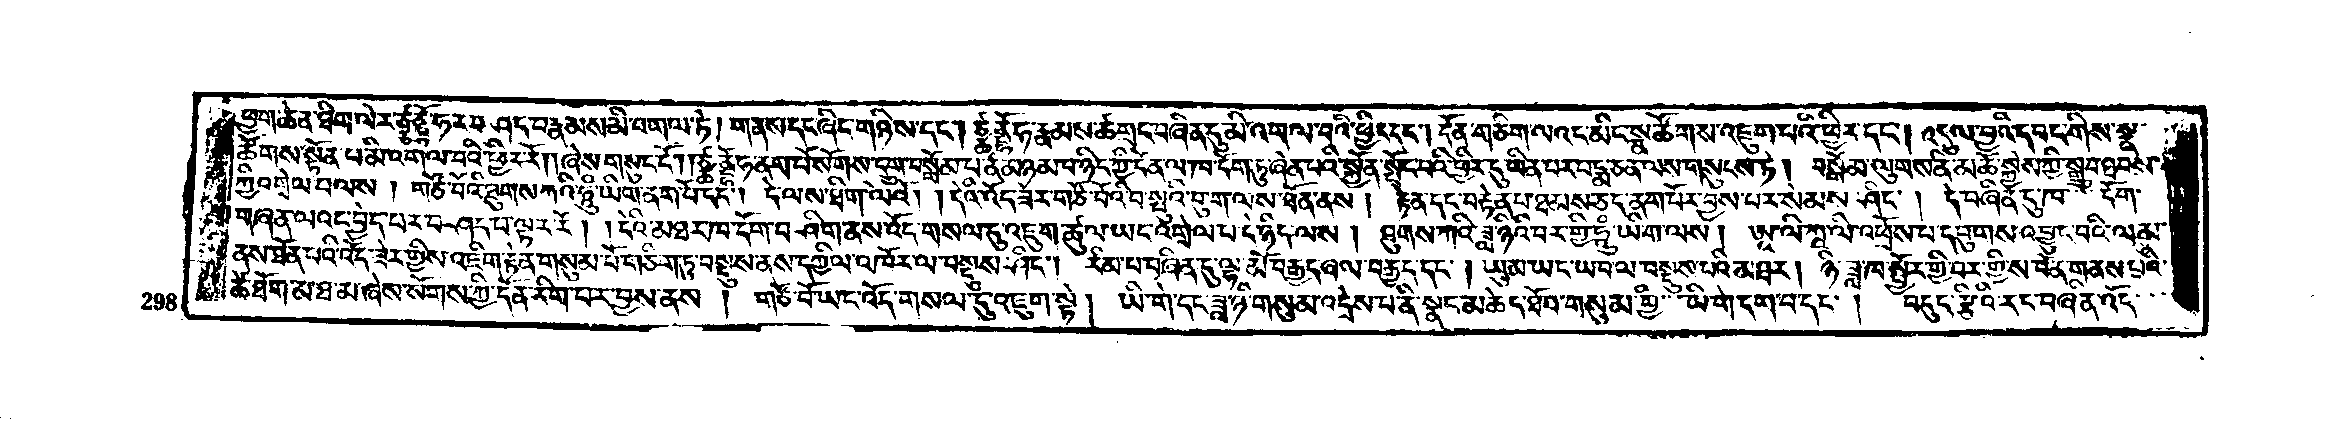ཕྱག་ཆེན་ཐིག་ལེར་ཙྩ་ནྡྷོ་ཧར་བཤད་པ་རྣམས་མི་བགལ་ཏེ། གནས་དང་ཞིང་གཉིས་དང་། ཙྪ་ནྡྷོ་ཧ་རྣམས་ཚ་གྲང་བཞིན་དུ་མི་འགལ་བའི་ཕྱིར་དང་། དོན་གཅིག་ལའང་མིང་སྣ་ཚོགས་འཇུག་པའི་ཕྱིར་དང་། འདུལ་བྱའི་དབང་གིས་སྣ་
ཚོགས་སྟོན་པ་མི་འགལ་བའི་ཕྱིར་རོ། །ཞེས་གསུང་ངོ། །ཙྪ་ནྡྷོ་ཧ་ནག་པོ་སོགས་དྲུག་བསྒོམ་པ་ནི་མཉམ་པ་ཉིད་ཀྱི་དོན་ལ་ཁ་དོག་ཏུ་ཞེན་པའི་སྐྱོན་སྤོང་བའི་ཕྱིར་དུ་ཡིན་པར་པདམ་ཅན་ལས་གསུངས་ཏེ། བསྒོམ་ལུགས་ནི་མཚོ་སྐྱེས་ཀྱི་སྒྲུབ་ཐབས་
ཀྱི་འགྲེལ་བ་ལས། གཙོ་བོའི་ཐུགས་ཀའི་ཧཱུཾ་ཡིག་ནག་པོ་དང་། དེ་ལས་ཐིག་ལེའོ། །དེའི་འོད་ཟེར་གཙོ་བོའི་བ་སྤུའི་བུ་ག་ལས་ཐོན་ནས། རྟེན་དང་བརྟེན་པ་ཐམས་ཅད་ནག་པོར་བྱས་པར་སེམས་ཤིང་། དེ་བཞིན་དུ་ཁ་དོག་
གཞན་ལའང་བྱེད་པར་བཤད་པ་ལྟར་རོ། །དེའི་མཐར་ཁ་དོག་བཤིག་ནས་འོད་གསལ་དུ་འཇུག་ཚུལ་ཡང་འགྲེལ་པ་དེ་ཉིད་ལས། ཐུགས་ཀའི་ཟླ་ཉིའི་བར་གྱི་ཧཱུཾ་ཡིག་ལས། ཨཱ་ལི་ཀཱ་ལི་འཕྲོས་པ་དབུགས་འབྱུང་བའི་ལམ་
ནས་ཐོན་པའི་འོད་ཟེར་གྱིས་འཇིག་རྟེན་གསུམ་པོ་གཅིག་ཏུ་བསྡུས་ནས་དཀྱིལ་འཁོར་ལ་བསྡུས་ཤིང་། རིམ་པ་བཞིན་དུ་ལྷ་མོ་བརྒྱད་ཞལ་བརྒྱད་དང་། ཡུམ་ཡང་ཡབ་ལ་བསྡུས་པའི་མཐར། ཉི་ཟླ་ཁ་སྦྱོར་གྱི་བར་གྱི་ས་བོན་གནས་པའི་
ཚེ་ཐོག་མ་ཐ་མ་ཞེས་སོགས་ཀྱི་དོན་རིག་པར་བྱས་ནས། གཙོ་བོ་ཡང་འོད་གསལ་དུ་འཇུག་སྟེ། ཡི་གེ་དང་ཟླ་ཉི་གསུམ་འདྲེས་པ་ནི་སྣང་མཆེད་ཐོབ་གསུམ་གྱི་ཡི་གེ་དག་པ་དང་། བདུད་རྩིའི་རང་བཞིན་འོད་